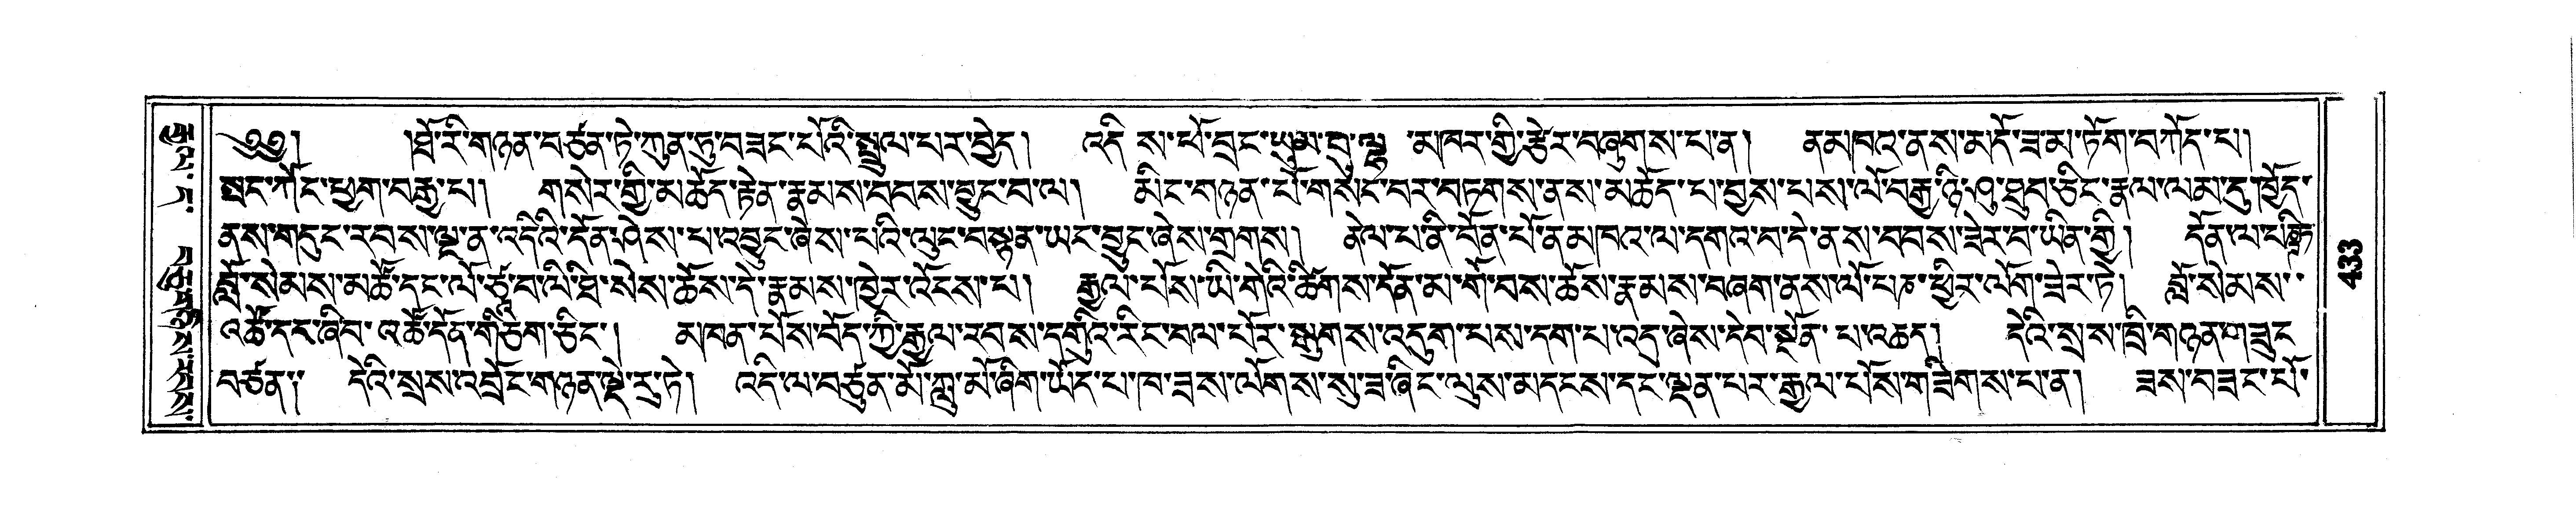༄༅། །ཐོ་རི་གཉན་བཙན་ཏེ་ཀུན་ཏུ་བཟང་པོའི་སྤྲུལ་པར་བྱེད། འདིས་ཕོ་བྲང་ཡུམ་བུ་ལྷ་མཁར་གྱི་རྩེར་བཞུགས་པ་ན། ནམཁའ་ནས་མདོ་ཟ་མ་ཏོག་བཀོད་པ།
སྤང་ཀོང་ཕྱག་བརྒྱ་པ། གསེར་གྱི་མཆོད་རྟེན་རྣམས་བབས་བྱུང་བ་ལ། མིང་གཉན་པོ་གསང་བར་བཏགས་ནས་མཆོད་པ་བྱས་པས་ལོ་བརྒྱ་ཉི་ཤུ་ཐུབ་ཅིང་རྣལ་ལམ་དུ་ཁྱོད་
ནས་གདུང་རབས་ལྔ་ན་འདིའི་དོན་ཤེས་པ་འབྱུང་ཞེས་པའི་ལུང་བསྟན་ཡང་བྱུང་ཞེས་གྲགས། ནེལ་པ་ནི་བོན་པོ་ནམཁའ་ལ་དགའ་བ་དེ་ནས་བབས་ཟེར་བ་ཡིན་གྱི། དོན་ལ་པཎྜིཏ་
བློ་སེམས་མཚོ་དང་ལོ་ཙཱ་བ་ལི་ཐི་སེས་ཆོས་དེ་རྣམས་ཁྱེར་འོངས་པ། རྒྱལ་པོས་ཡི་གེའི་ཚིགས་དོན་མ་གོ་བས་ཆོས་རྣམས་བཞག་ནས་ལོ་པཎ་ཕྱིར་ལོག་ཟེར་ཏེ། བློ་སེམས་
འཚོ་དང་ཞིབ་འཚོ་དོན་གཅིག་ཅིང་། མཁན་པོས་བོད་ཀྱི་རྒྱལ་རབས་དགུའི་རིང་བལ་པོར་སྒུགས་འདུག་པས་དག་པ་འདྲ་ཞེས་དེབ་སྔོན་པ་འཆད། དེའི་སྲས་ཁྲི་གཉན་གཟུང་
བཙན༑ དེའི་སྲས་འབྲོང་གཉན་ལྡེ་རུ་ཏེ། འདི་ལ་བཙུན་མོ་ཀླུ་མོ་ཞིག་ཡོད་པ་ཁ་ཟས་ལོགས་སུ་ཟ་ཞིང་ལུས་མདངས་དང་ལྡན་པར་རྒྱལ་པོས་གཟིགས་པ་ན། ཟས་བཟང་པོ་